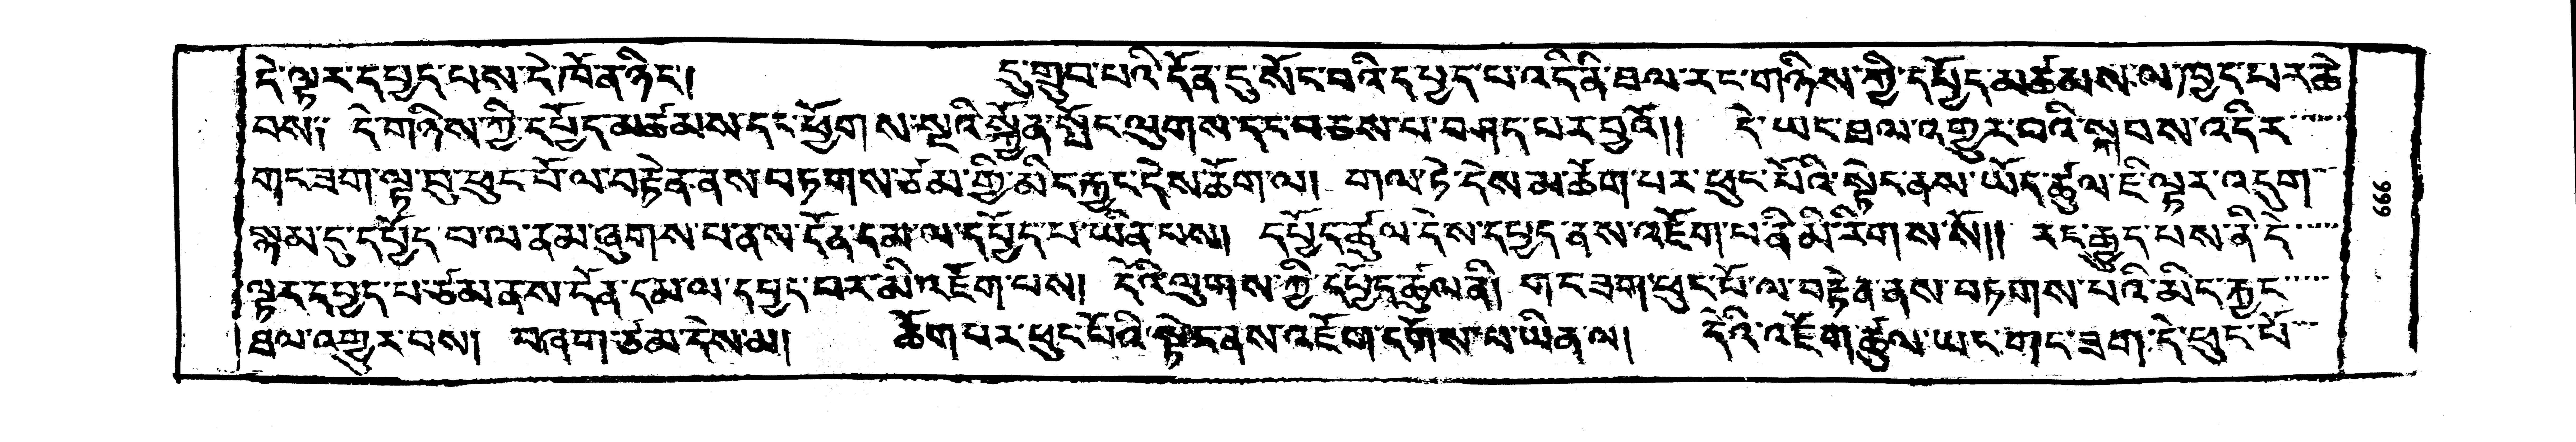དེ་ལྟར་དཔྱད་པས་དེ་ཁོ་ན་ཉིད་དུ་གྲུབ་པའི་དོན་དུ་སོང་བའི་དཔྱད་པ་འདི་ནི་ཐལ་རང་གཉིས་ཀྱི་དཔྱོད་མཚམས་ལ་ཁྱད་པར་ཆེ་
བས༑ དེ་གཉིས་ཀྱི་དཔྱོད་མཚམས་དང་ཕྱོགས་སྔའི་སྐྱོན་སྤོང་ལུགས་དང་བཅས་པ་བཤད་པར་བྱའོ། །དེ་ཡང་ཐལ་འགྱུར་བའི་སྐབས་འདིར་
གང་ཟག་ལྟ་བུ་ཕུང་པོ་ལ་བརྟེན་ནས་བཏགས་ཙམ་གྱི་མིང་རྐྱང་དེས་ཆོག་ལ། གལ་ཏེ་དེས་མཆོག་པར་ཕུང་པོའི་སྟེང་ནས་ཡོད་ཚུལ་ཇི་ལྟར་འདུག་
སྙམ་དུ་དཔྱོད་པ་ལ་ནམ་ཞུགས་པ་ནས་དོན་དམ་ལ་དཔྱོད་པ་ཡིན་པས། དཔྱོད་ཚུལ་དེས་དཔྱད་ནས་འཇོག་པ་ནི་མི་རིགས་སོ། །རང་རྒྱུད་པས་ནི་དེ་
ལྟར་དཔྱད་པ་ཙམ་ནས་དོན་དམ་ལ་དཔྱད་པར་མི་འཇོག་པས། དེའི་ལུགས་ཀྱི་དཔྱོད་ཚུལ་ནི། གང་ཟག་ཕུང་པོ་ལ་བརྟེན་ནས་བཏགས་པའི་མིང་རྐྱང་
ཐལ་འགྱུར་བས། བཞག་ཙམ་དེས་མ། ཆོག་པར་ཕུང་པོའི་སྟེང་ནས་འཇོག་དགོས་པ་ཡིན་ལ། དེའི་འཇོག་ཚུལ་ཡང་གང་ཟག་དེ་ཕུང་པོ་